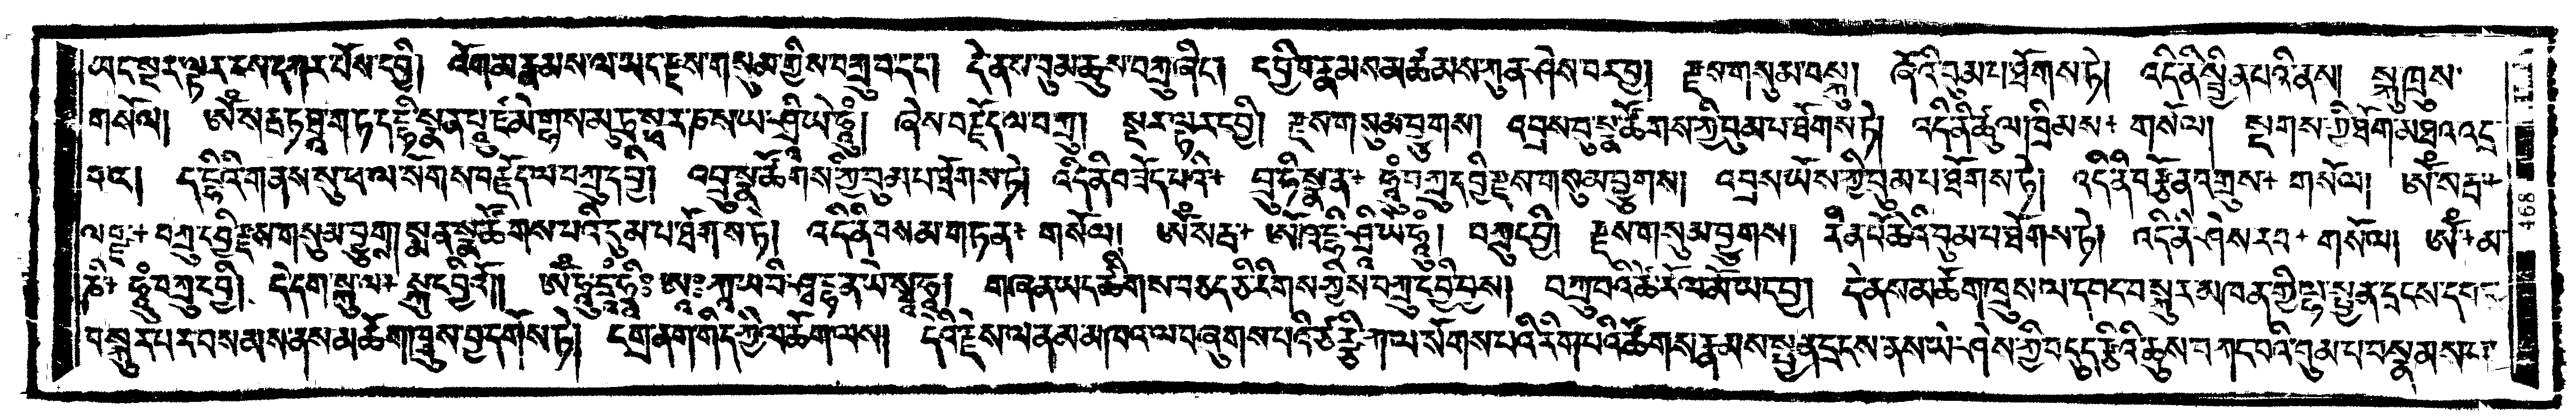ཡང་སྔར་ལྟར་རས་དཀར་པོས་དབྱི། འོག་མ་རྣམས་ལ་ཡང་རྫས་གསུམ་གྱིས་བཀྲུ་བ་དང་། དེ་ནས་བུམ་ཆུས་བཀྲ་ཞིང་། དབྱི་བ་རྣམས་མཚམས་ཀུན་ཤེས་པར་བྱ། རྫས་གསུམ་བསྐུ། ཞོའི་བུམ་པ་ཐོགས་ཏེ། འདི་ནི་སྦྱིན་པའི་ནས། སྐུ་ཁྲུས་
གསོལ། ཨོཾ་སརྦ་ཏ་ཐཱ་ག་ཏ་ད་དྷི་སྣན་པཱུ་ཛ་མེ་གྷ་ས་མུཏྲ་སྥ་ར་ཎ་ས་ཡ་ཤྲི་ཡེ་ཧཱུཾ། ཞེས་བརྗོད་ལ་བཀྲུ། སྔར་ལྟར་དབྱི། རྫས་གསུམ་བྱུགས། འབྲས་བུ་སྣ་ཚོགས་ཀྱི་བུམ་པ་ཐོག་སྟེ། འདི་ནི་ཚུལ་ཁྲིམས་྾་གསོལ། སྔགས་ཀྱི་ཐོག་མཐའ་དྲ་
བར། ད་དྷིའི་གནས་སུ་ཕ་ལ་སོགས་བརྗོད་ལ་བཀྲུ་དབྱི། འབྲུ་སྣ་ཚོགས་ཀྱི་བུམ་པ་ཐོགས་ཏེ། འདི་ནི་བཟོད་པའི་྾་བྲི་ཏི་སྣ་ན་྾་ཧཱུཾ་བཀྲུ་དབྱི་རྫས་གསུམ་བྱུགས། འབྲས་ཡོས་ཀྱི་བུམ་པ་ཐོག་ཏེ། འདི་ནི་བརྩོན་འགྲུས་྾་གསོལ། ཨོཾ་སརྦ་
ལབྫ་྾་བཀྲུ་དབྱི་རྫས་གསུམ་བྱུགས། སྨན་སྣ་ཚོགས་པའི་དུམ་པ་ཐོགས་ཏེ། འདི་ནི་བསམ་གཏན་྾་གསོལ། ཨོཾ་སརྦ་྾་ཨོཾ་ཥདྷི་ཤྲཱི་ཡོ་ཧཱུཾ། བཀྲ་དབྱི། རྫས་གསུམ་བྱུགས། རིན་པོ་ཆེའི་བུམ་པ་ཐོགས་ཏེ། འདི་ནི་ཤེས་རབ་྾་།གསོལ། ཨོཾ་྾་མ་
ཎི་྾་ཧཱུཾ་བཀྲུ་དབྱི། དེ་དག་སྐུ་ལ་྾་སྐུར་བྱིའོ། །ཨོཾ་ཧཱུཾ་དྷྲཾ་ཧྲཱིཿ ཨཱཿ ཀཱ་ཡ་བི་ཤྭ་དྷ་ན་ཡེ་སྭཱ་ཧཱ། གཞན་ཡང་ཚིག་བཅད་ཅི་རིགས་ཀྱིས་བཀྲུ་དབྱི་བྱས། བརྐུ་བའི་ཚེ་རོལ་མོ་ཡང་བྱ། དེ་ནས་མཆོག་ཁྲུས་ལ་དབང་བསྐུར་མཁན་གྱི་ལྷ་སྤྱན་དྲང་དཔང་
བསྐུར་པར་བསམས་ནས་མཆོག་ཁྲུས་བྱ་དགོས་ཏེ། དགྲ་ནག་གི་དཀྱིལ་ཆོག་ལས། དེའི་རྗེས་ལ་ནམ་མཁའ་ལ་བཞུགས་པའི་ཙརྩེ་ཀ་ལ་སོགས་པའི་རིག་པའི་ཚོགས་རྣམས་སྤྱན་དངས་ནས་ཡེ་ཤེས་ཀྱི་བདུད་རྩིའི་ཆུས་བཀང་པའི་བུམ་པ་བསྣམས་པ་